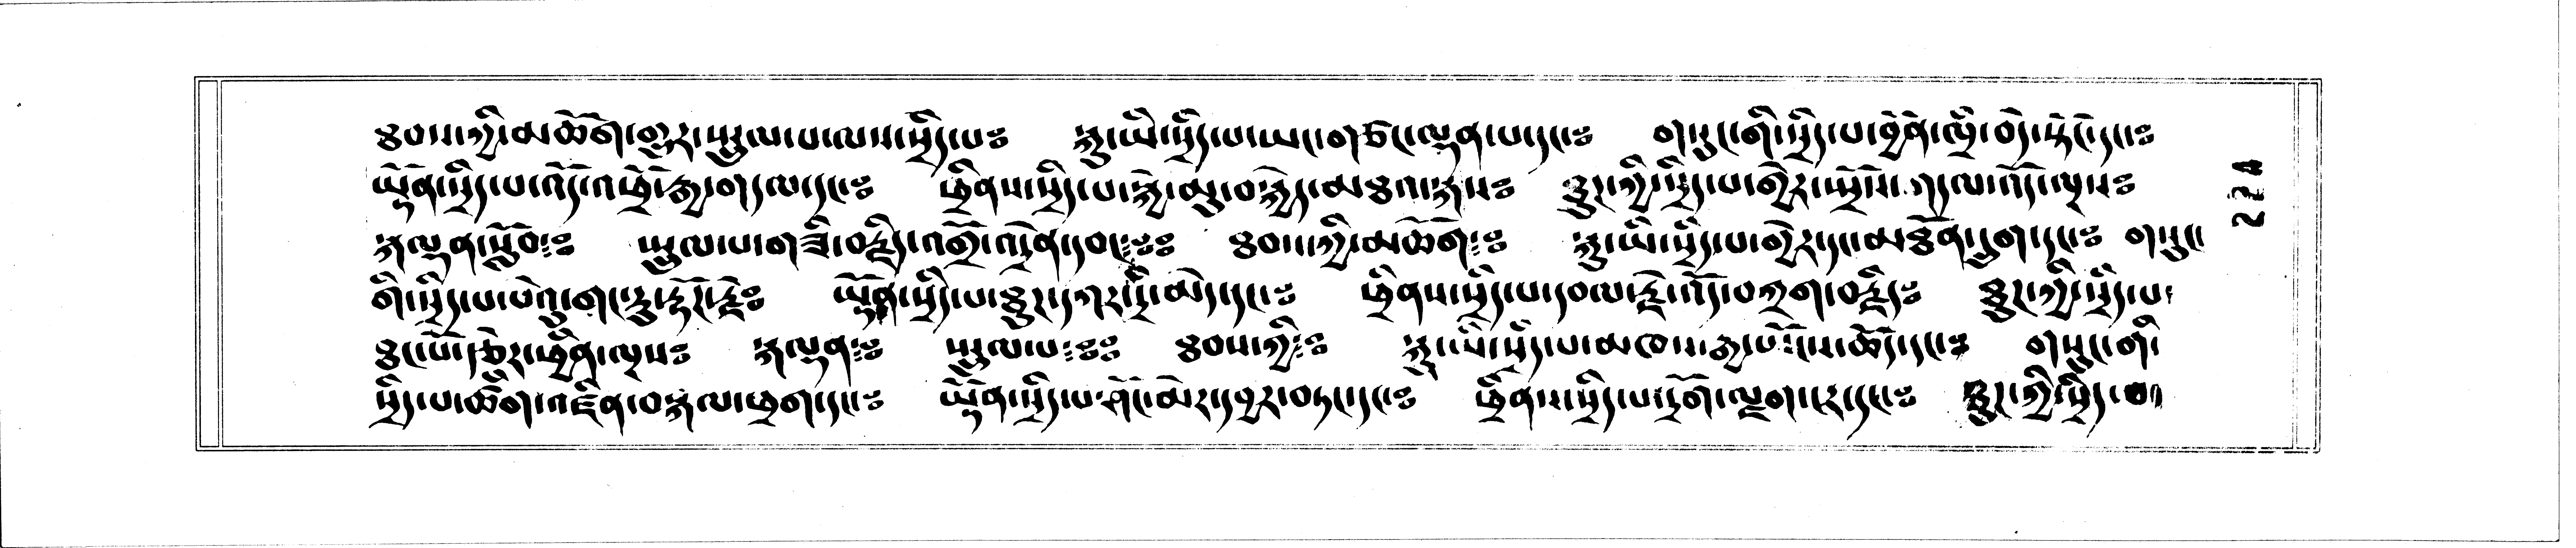ཐབས་ཀྱི་མཆོག་གྱུར་སྤྲུལ་པ་ལས་སྲིད་པཿ སྐུ་ཡི་སྲིད་པཿ ཡང་གཙང་ལྡན་པ་དངཿ གསུང་གི་སྲིད་པ་བྱང་ཁྲི་བདེ་སྟོང་དངཿ 
ཡོན་ཏན་སྲིད་པ་འོད་འཕྲོ་རྒྱ་བདལ་དངཿ ཕྲིན་ལས་ཀྱི་སྲིད་པ་སྐྱེ་མུ་སྐྱེ་མཐའ་སྐས་དངཿ ཐུགས་ཀྱི་སྲིད་པ་གྱེར་སྤྲོ་བདལ་འོད་ལྔསཿ 
སྐལ་ལྡན་སློབ་མ་རྣམས་ལ་དབང་བསྐུར་བསཿ སྤྲུལ་པ་གཟི་བརྗིད་འགྲོ་འདྲེན་དབང་ཐོབ་ཤོགཿ ཐབས་ཀྱི་མཆོག་གྱུར་སྤྲུལ་པ་ལས་སྲིད་པཿ སྐུ་ཡི་སྲིད་པ་གྱེར་དང་མཐོང་དྲུག་ལ་ཕྱག་འཚལ་ལོཿ གསུང་
གི་སྲིད་པ་པེའུ་གང་རུ་ཐོགས་རྗེཿ ཡོན་ཏན་གྱི་སྲིད་པ་ཐུགས་དཀར་དྲི་མེད་དངཿ ཕྲིན་ལས་སྲིད་པ་དབལ་རྗེ་འོད་བཀྲག་བརྗིདཿ ཐུགས་ཀྱི་སྲིད་པ་
ཐང་པོ་རྩེར་ཕྱིན་ལྔསཿ སྐལ་ལྡན་སློབ་མ་རྣམས་ལ་དབང་བསྐུར་བསཿ སྤྲུལ་པ་གཟི་བརྗིད་འགྲོ་འདྲེན་དབང་ཐོབ་ཤོགཿ ཐབས་ཀྱི་མཆོག་གྱུར་སྤྲུལ་པ་ལས་སྲིད་པཿ སྐུ་ཡི་སྲིད་པ་མཁའ་རྒྱ་ཡོངས་ཆོད་དངཿ གསུང་གི་
སྲིད་པ་ཚིག་འཛིན་བསྐལ་ཕྲག་དངཿ ཡོན་ཏན་གྱི་སྲིད་པ་ཤོང་མེར་དབྱར་བཏང་དངཿ ཕྲིན་ལས་སྲིད་པ་དྲག་པོ་ལྗགས་ངར་དངཿ ཐུགས་ཀྱི་སྲིད་པ་